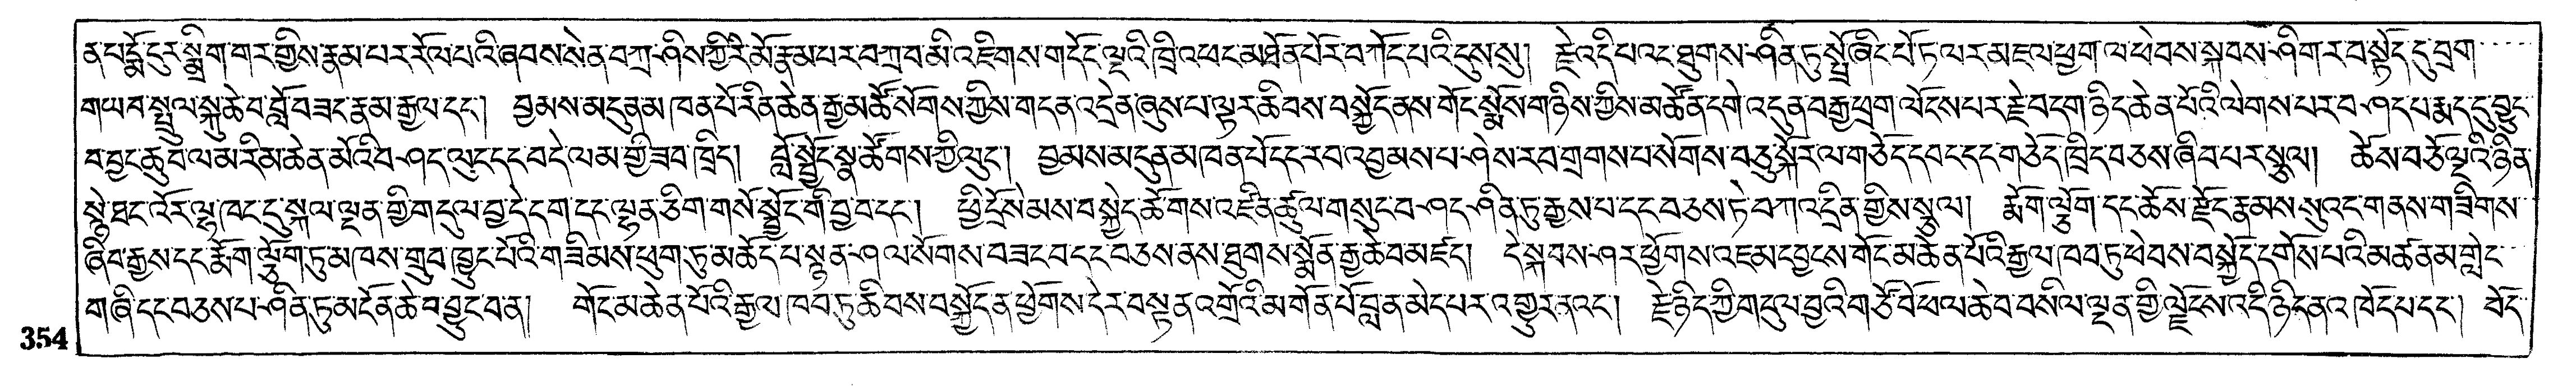ན་པདམོ་དུར་སྨྲིག་གར་གྱིས་རྣམ་པར་རོལ་པའི་ཞབས་སེན་བཀྲ་ཤིས་ཀྱི་རི་མོ་རྣམ་པར་བཀྲ་བ་མི་འཇིགས་གདོང་ལྔའི་ཁྲི་འཕང་མཐོན་པོར་བཀོད་པའི་དུས་སུ། རྗེ་འདི་བའང་ཐུགས་ཤིན་ཏུ་སྤྲོ་ཞིང་པོ་ཏ་ལར་མཇལ་ཕྱག་ལ་ཕེབས་སྐབས་ཤིག་ར་བསྟོད་དུ་བྲག་
གཡབ་སྤྲུལ་སྐུ་ཆེ་བ་བློ་བཟང་རྣམ་རྒྱལ་དང་། བྱམས་མདུན་མཁན་པོ་རིན་ཆེན་རྒྱ་མཚོ་སོགས་ཀྱིས་གདན་འདྲེན་ཞུས་པ་ལྟར་ཆིབས་བསྐྱོད་ནས་གོང་སྨོས་གཉིས་ཀྱིས་མཚོན་དགེ་འདུན་བརྒྱ་ཕྲག་ལོངས་པར་རྗེ་བདག་ཉིད་ཆེན་པོའི་ལེགས་པར་བཤད་པ་རྨད་ད་བྱུང་
བ་བྱང་ཆུབ་ལམ་རིམ་ཆེན་མོའི་བཤད་ལུང་དང་བདེ་ལམ་གྱི་ཟབ་ཁྲིད། བློ་སྦྱོང་སྣ་ཚོགས་ཀྱི་ལུང་། བྱམས་མདུན་མཁན་པོ་དང་རབ་འབྱམས་པ་ཤེས་རབ་གྲགས་པ་སོགས་བཅུ་སྐོར་ལ་གཅོད་དབང་དང་གཅོད་ཁྲིད་བཅས་ཞིབ་པར་སྩལ། ཚེས་བཅོ་ལྔའི་ཉིན་
སྙེ་ཐང་འོར་ལྷ་ཁང་དུ་སྐལ་ལྡན་གྱི་གདུལ་བྱ་དེ་དག་དང་ལྷན་ཅིག་གསོ་སྦྱོང་གི་བྱ་བ་དང་། ཕྱི་དྲོ་སེམས་བསྐྱེད་ཆོ་གས་འཛིན་ཚུལ་གསུང་བཤད་ཤིན་ཏུ་རྒྱས་པ་དང་བཅས་ཏེ་བཀའ་དྲིན་གྱིས་སྩལ། རྨོག་ལྕོག་དང་ཆོས་རྫོང་རྣམས་སུའང་གནས་གཟིགས་
ཞིབ་རྒྱས་དང་རྨོག་ལྕོག་ཏུ་མཁས་གྲུབ་ཁྱུང་པོའི་གཟིམས་ཕུག་ཏུ་མཆོད་པ་སྙན་ཤལ་སོགས་བཟང་བ་དང་བཅས་ནས་ཐུགས་སྨོན་རྒྱ་ཆེ་བ་མཛད། དེ་སྐབས་ཤར་ཕྱོགས་འཇམ་དབྱངས་གོང་མ་ཆེན་པོའི་རྒྱལ་ཁབ་ཏུ་ཕེབས་བསྐྱོད་དགོས་པའི་མཚན་མ་གླེང་
གཞི་དང་བཅས་པ་ཤིན་ཏུ་མངོན་ཆེ་བ་བྱུང་པ་ན། གོང་མ་ཆེན་པོའི་རྒྱལ་ཁབ་ཏུ་ཆིབས་བསྐྱོད་ན་ཕྱོགས་དེར་བསྟན་འགྲོའི་མགོན་པོ་བླ་ན་མེད་པར་འགྱུར་ནའང་། རྗེ་ཉིད་ཀྱི་གདུལ་བྱའི་གཙོ་བོ་ཕལ་ཆེ་པ་བསིལ་ལྡན་གྱི་ལྗོངས་འདི་ཉིད་ན་འཁོད་པ་དང་། བོད་